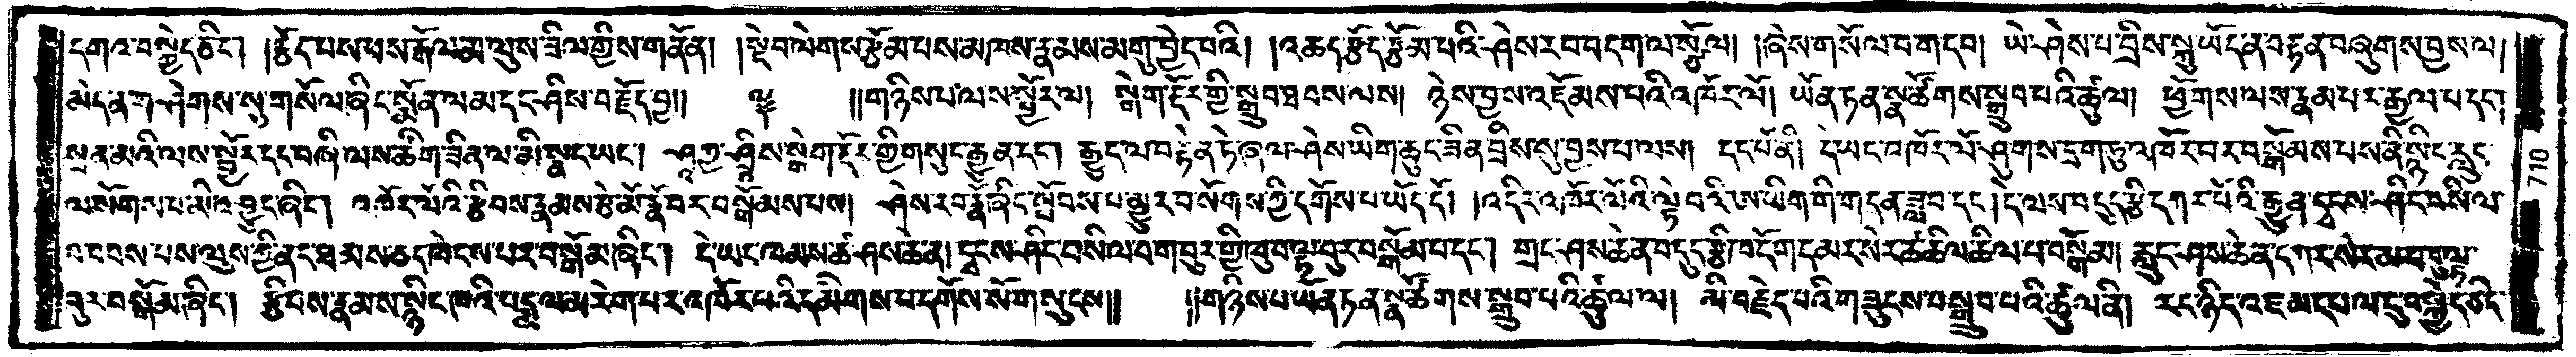དགའ་བསྐྱེད་ཅིང་། །རྩོད་པས་བས་རྒོལ་མ་ལུས་ཟིལ་གྱིས་གནོན། །སྡེ་བ་ལེགས་རྩོམ་པས་མཁས་རྣམས་མགུ་བྱེད་པའི། །འཆད་རྩོད་རྩོམ་པའི་ཤེས་རབ་བདག་ལ་སྩོལ། །ཞེས་གསོལ་བ་གདབ། ཡེ་ཤེས་པ་བྲིས་སྐྱུ་ཡོད་ན་བརྟན་བཞུགས་བྱས་ལ།
མེད་ན་གཤེགས་སུ་གསོལ་ཞིང་སྨོན་ལམ་དང་ཤིས་བརྗོད་བྱ།། ༈ །།གཉིས་པ་ལས་སྦྱོར་ལ། སྒེག་རྡོར་གྱི་སྒྲུབ་ཐབས་ལས། ཉེས་བྱས་འཇོམས་པའི་འཁོར་ལོ། ཡོན་ཏན་སྣ་ཚོགས་སྒྲུབ་པའི་ཚུལ། ཕྱོགས་ལས་རྣམ་པར་རྒྱལ་བ་དང་
སྲན་མའི་ལས་སྦྱོར་དང་བཞི་ལས་ཚིག་ཟིན་ལ་མི་སྣང་ཡང་། ཤཱཀྱ་ཤྲཱིས་སྒེག་རྡོར་གྱི་གསུང་རྒྱུན་དང་། རྒྱུད་ལ་བརྟེན་ཏེ་ཞལ་ཤེས་ཡིག་ཆུང་ཟིན་བྲིས་སུ་བྱས་པ་ལས། དང་པོ་ནི། དེ་ཡང་འཁོར་ལོ་ཤུགས་དྲག་ཏུ་འཁོར་བར་བསྒོམས་པས་ནི་སྙིང་རླུང་
ལ་སོགས་པ་མི་འབྱུང་ཞིང་། འཁོར་ལོའི་རྩིབས་རྣམ་རྩེ་མོ་རྣོ་བར་བསྒོམ་པས། ཤེས་རབ་རྣོ་ཞིང་སྤོབས་པ་མྱུར་པ་སོགས་ཀྱི་དགོས་པ་ཡོད་དེ། །འདིར་འཁོར་ལོའི་ལྟེ་བའི་ཨ་ཡིག་གི་གདན་ཟླ་བ་དང་། དེ་ལས་ཐ་དུད་རྩི་དཀར་པོའི་རྒྱུད་དྭངས་ཤིང་བསིལ་
བ་བབས་པས་ལུས་ཀྱི་ནང་ཐམས་ཅད་ཁེངས་པར་བསྒོམ་ཞིང་། དེ་ཡང་ཁམས་ཚ་ཤས་ཆེ་ན། དྭངས་ཤིང་བསིལ་བག་བུར་གྱི་ཁུ་བ་ལྟ་བུ་བསྒོམ་པ་དང་། གྲང་ཤས་ཆེན་བདུད་རྩི་ཁ་དོག་དམར་སེར་ཚ་ཆིལ་ཆིལ་པ་བསྒོམ། རླུང་ཤས་ཆེན་དཀར་སེར་མར་ཁུལ་
བུར་བསྒོམ་ཞིང་། རྩིབས་རྣམས་སྙིང་ཁའི་པདམ་ལམ་རེག་པར་འཁོར་པའི་དམིགས་པ་དགོས་སོ་གསུངས།། །།གཉིས་པ་ཡོན་ཏན་སྣ་ཚོགས་སྒྲུབ་པའི་ཚུལ་ལ། མི་བརྗེད་པའི་གཟུངས་བསྒྲུབ་པའི་ཚུལ་ནི། རང་ཉིད་འཇམ་དཔལ་དུ་བསྐྱེད་ཅིན་